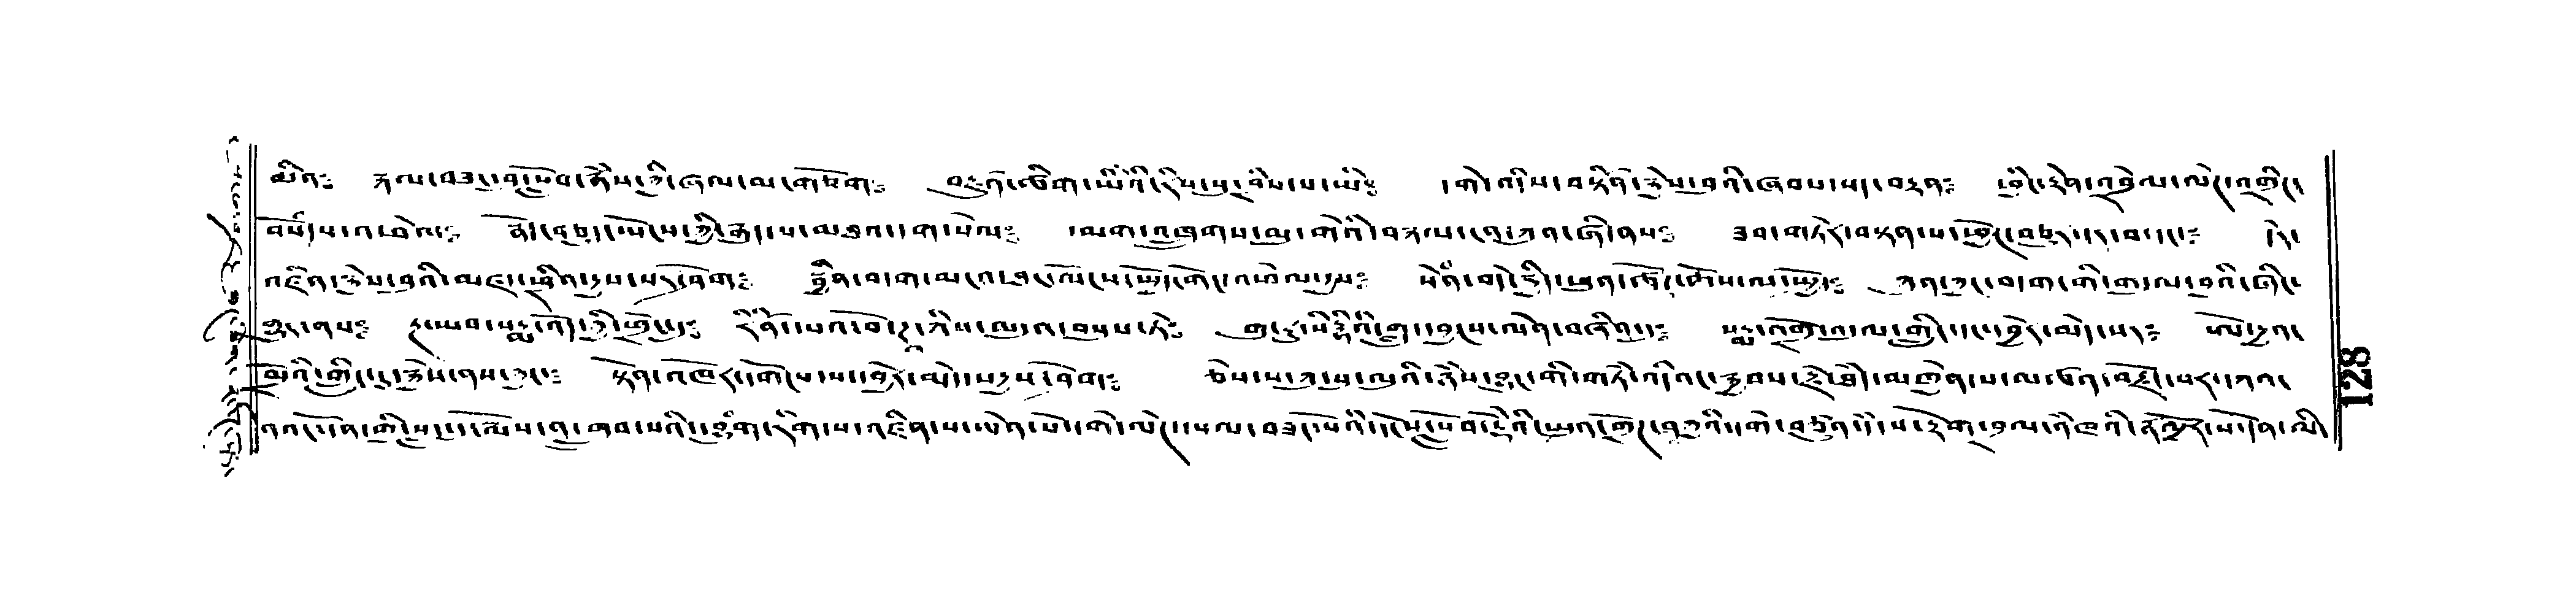མིན༔ སྐལ་བཟང་བུ་སློབ་རྣམས་ཀྱི་ཞལ་མ་གཅོག༔ བརྫུན་ཚིག་ཡི་གེའི་རིས་སུ་བྲིས་པ་ཡི༔ དགེ་འདིས་བསྟན་འཛིན་སྐྱེས་བུའི་ཞབས་པད་བརྟན༔ ཕྱི་ནང་རྟེན་འབྲེལ་ལེགས་འགྲིགས་
བསོད་ནམས་འཕེལ༔ སྣོད་བཅུད་ཡོངས་ཀྱི་རྒུད་པ་མཐའ་དག་སེལ༔ དམག་འཁྲུགས་མུ་གེའི་བསྐལ་ངན་ཀུན་ཞི་ནས༔ ཟབ་གཏེར་བསྟན་པ་ཕྱོགས་བཅུར་དར་བ་དང༔ དེར་
འཛིན་སྐྱེས་བུའི་མཛད་ཕྲིན་རྒྱས་པར་ཤོག༔ སྦྱིན་བདག་མངའ་ཐང་ལོངས་སྤྱོད་གོང་འཕེལ་རྒྱས༔ སེམས་ཅན་བདེ་སྐྱིད་ཕུན་ཚོགས་ཆོས་ལ་སྤྱོད༔ ཀུན་ཀྱང་བདག་གི་གདུལ་བྱའི་ཞིང་
གྱུར་ནས༔ རྔ་ཡབ་པདྨ་འོད་ཀྱི་ཕོ་བྲང་དུ༔ རིག་འཛིན་དཔའ་བོ་ཌཱ་ཀིས་མདུན་བསུས་ཏེ༔ གུ་རུ་སིདྡྷིའི་གླུ་དབྱངས་ལེན་བཞིན་དུ༔ པདྨ་འགྲོ་འདུལ་གླིང་དང་དབྱེར་མེད་པར༔ ཨོ་རྒྱན་
མཁའ་འགྲོའི་གླིང་དུ་སྐྱེས་ནས་ཀྱང༔ སྟོན་འཁོར་དགོངས་པ་དབྱེར་མེད་སངས་རྒྱས་ཤོག༔ ཅེས་པ་ཀུ་སཱ་ལིའི་ཉམས་བྱུང་གི་གཏམ་འདིའང་སྐྱབས་རྗེ་ཐམས་ཅད་མཁྱེན་པ་མཚན་བརྗོད་པར་དཀའ་
ནའང་དོན་གྱི་སླད་དུ་སྨོས་ན་གྲུབ་པའི་དབང་ཕྱུག་རིག་པ་འཛིན་པ་ཆེན་པོ་དགེ་ལེགས་དཔལ་བཟང་པོའི་དངོས་སློབ་རྡོ་རྗེའི་སྤུན་གྲོགས་ཤཱཀྱའི་དགེ་བཙུན་དམ་པ་རྟོག་བྲལ་ནམ་མཁའི་རྣལ་འབྱོར་པ་དོན་ལི་